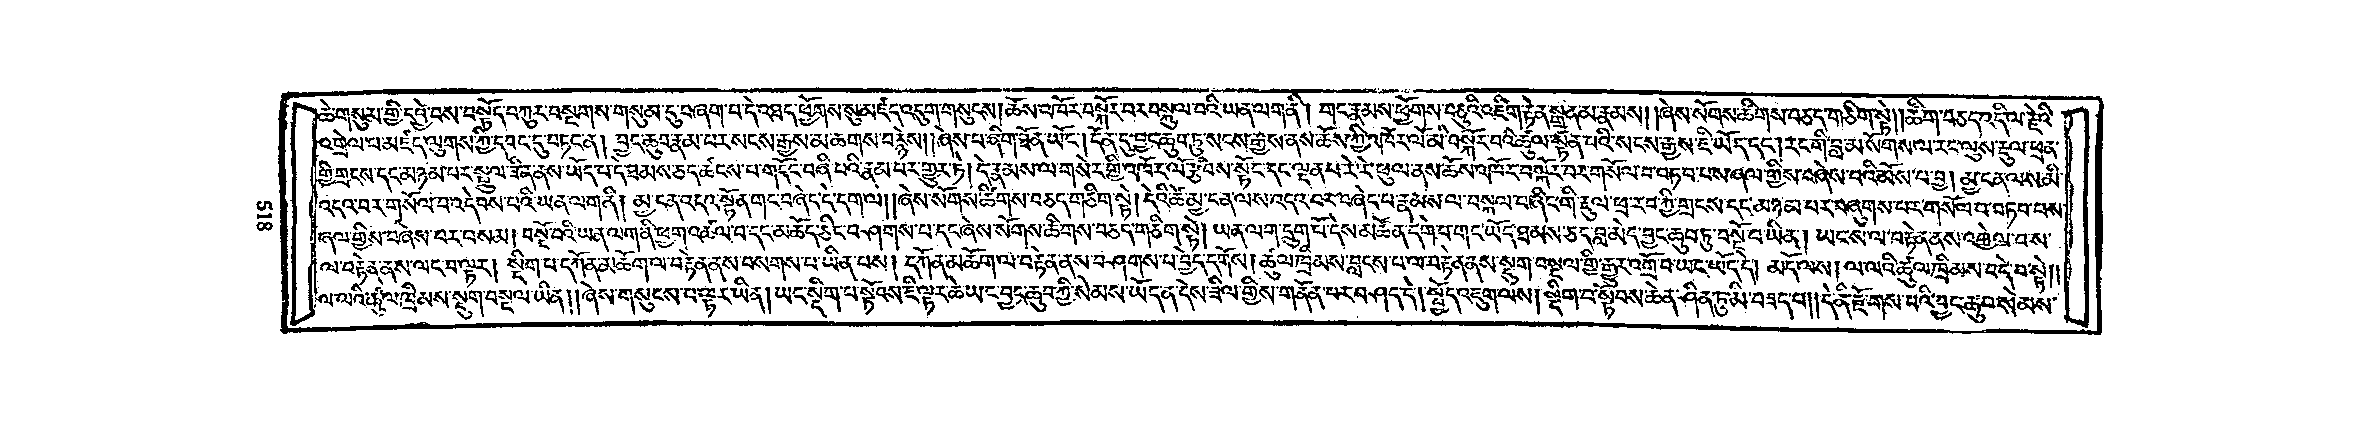ཆེ་གསུམ་གྱི་དབྱེ་བས་བསྟོད་བཀུར་བསྔགས་གསུམ་དུ་བཞག་པ་དེ་འཐད་ཕྱོགས་སུ་མཛད་འདུག་གསུངས། ཆོས་འཁོར་བསྐོར་བར་བསྐུལ་བའི་ཡན་ལག་ནི། གང་རྣམས་ཕྱོགས་བཅུའི་འཇིག་རྟེན་སྒྲན་མ་རྣམས། །ཞེས་སོགས་ཚིགས་བཅད་གཅིག་སྟེ། །ཚིག་བཅད་འདི་ལ་རྗེའི་
འགྲེལ་པ་མཛད་ལུགས་ཀྱི་དབང་དུ་བཏང་ན། བྱང་ཆུབ་རྣམ་པར་སངས་རྒྱས་མ་ཆགས་བརྙེས། །ཞེས་པ་ཞིག་ཐོན་ཡོང་། དོན་དུ་བྱང་ཆུབ་ཏུ་སངས་རྒྱས་ནས་ཆོས་ཀྱི་འཁོར་ལོ་མི་བསྐོར་བའི་ཚུལ་སྟོན་པའི་སངས་རྒྱས་ཇི་ཡོད་དང་། རང་གི་བླ་མ་སོགས་ལ་རང་ལུས་རྡུལ་ཕྲན་
གྱི་གྲངས་དང་མཉམ་པར་སྤྲུལ་ཟིན་ནས་ཡོད་པ་དེ་ཐམས་ཅད་ཚངས་པ་གདོང་བཞི་བའི་རྣམ་པར་གྱུར་ཏེ། དེ་རྣམས་ལ་གསེར་གྱི་འཁོར་ལོ་རྩིབས་སྟོང་དང་ལྡན་པ་རེ་རེ་ཕུལ་ནས་ཆོས་འཁོར་བསྐོར་བར་གསོལ་བ་བཏབ་པས་ཞལ་གྱིས་བཞེས་པའི་མོས་པ་བྱ། མྱ་ངན་ལས་མི་
འདའ་བར་གསོལ་བ་འདེབས་པའི་ཡན་ལག་ནི། མྱ་ངན་འདའ་སྟོན་གང་བཞེད་དེ་དག་ལ། །ཞེས་སོགས་ཚིགས་བཅད་གཅིག་སྟེ། དེའི་ཚེ་མྱ་ངན་ལས་འདའ་བར་བཞེད་པ་རྣམས་ལ་བསྐལ་བ་ཞིང་གི་རྡུལ་ཕྲ་རབ་ཀྱི་གྲངས་དང་མཉམ་པར་བཞུགས་པར་གསོལ་བ་བཏབ་པས་
ཞལ་གྱིས་བཞེས་པར་བསམ། བསྔོ་བའི་ཡན་ལག་ནི་ཕྱག་འཚལ་བ་དང་མཆོད་ཅིང་བཤགས་པ་དང་ཞེས་སོགས་ཚིགས་བཅད་གཅིག་སྟེ། ཡན་ལག་དྲུག་པོ་དེས་མཚོན་དགེ་བ་གང་ཡོད་ཐམས་ཅད་བླ་མེད་བྱང་ཆུབ་ཏུ་བསྔོ་བ་ཡིན། ཡང་ས་ལ་བརྟེན་ནས་འགྱེལ་བ་ས་
ལ་བརྟེན་ནས་ལང་བ་ལྟར། སྡིག་པ་དཀོན་མཆོག་ལ་བརྟེན་ནས་བསགས་པ་ཡིན་པས། དཀོན་མཆོག་ལ་བརྟེན་ནས་བཤགས་པ་བྱེད་དགོས། ཚུལ་ཁྲིམས་བླངས་པ་ལ་བརྟེན་ནས་སྡུག་བསྔལ་གྱི་རྒྱུར་འགྲོ་བ་ཡང་ཡོད་དེ། མདོ་ལས། ལ་ལའི་ཚུལ་ཁྲིམས་བདེ་བ་སྟེ། །
ལ་ལའི་ཚུལ་ཁྲིམས་སྡུག་བསྔལ་ཡིན། །ཞེས་གསུངས་པ་ལྟར་ཡིན། ཡང་སྡིག་པ་སྟོབས་ཇི་ལྟར་ཆེ་ཡང་བྱང་ཆུབ་ཀྱི་སེམས་ཡོད་ན་དེས་ཟིལ་གྱིས་གནོན་པར་བཤད་དེ། སྤྱོད་འཇུག་ལས། སྡིག་པ་སྟོབས་ཆེན་ཤིན་ཏུ་མི་བཟད་པ། །དེ་ནི་རྫོགས་པའི་བྱང་ཆུབ་སེམས་